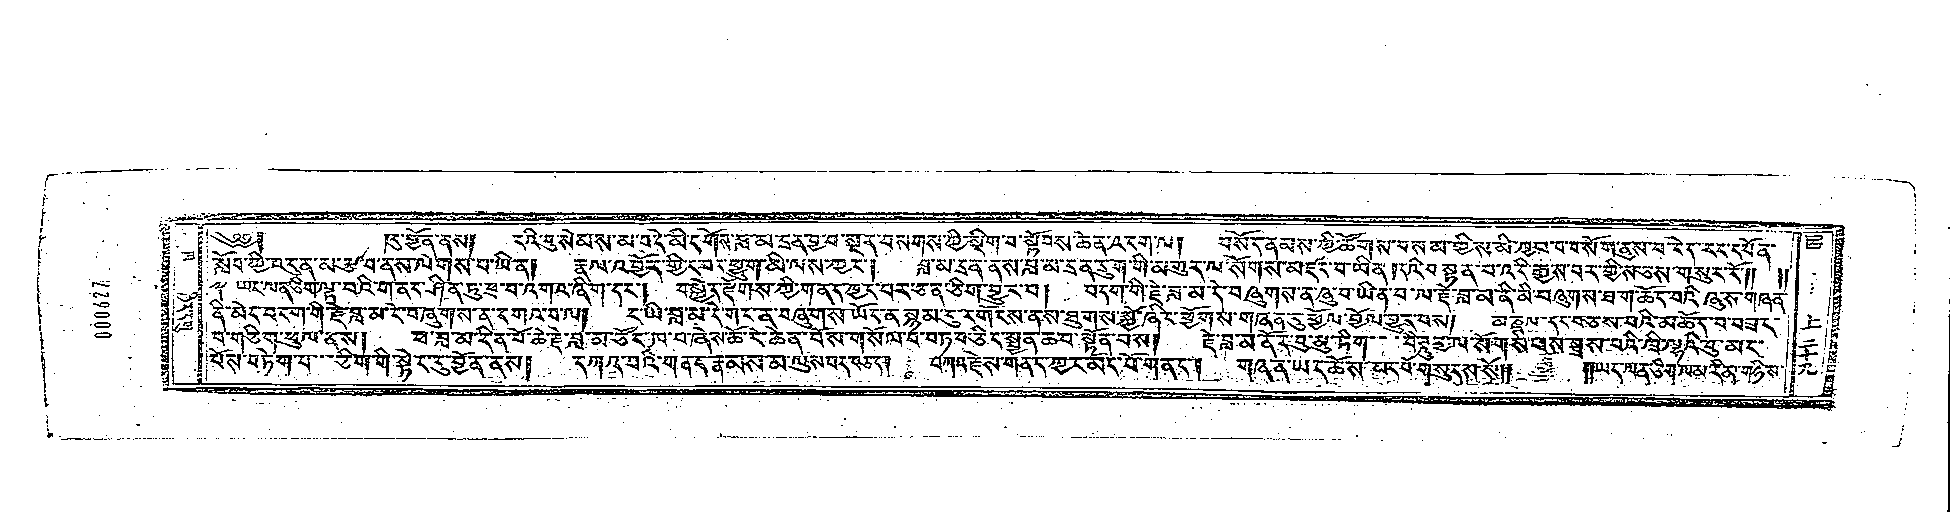༄༅། །དུ་བྱོན་ནས། དའི་བུ་སེམས་མ་བདེ་མི་དགོས་བླ་མ་དྲན་བྱ་བ་སྔར་བསགས་ཀྱི་སྡིག་བ་སྟོབས་ཆེན་འདུག་ལ། བསོད་ནམས་ཀྱི་ཚོགས་བསམ་གྱིས་མི་ཁྱབ་པ་བསོག་ནུས་པ་ངེད་རང་དཔོན་
སློབ་ཀྱི་འདུན་མ་རྩ་བ་ནས་ལེགས་པ་ཡིན། རྣལ་འབྱོར་གྱི་དབང་ཕྱུག་མི་ལས་ཀྱང་། བླ་མ་དྲན་ནས་བླ་མ་དྲན་དྲུག་གི་མགུར་ལ་སོགས་མཛད་པ་ཡིན་།དའི་བསྟན་པ་འདི་རྒྱས་པར་གྱིས་ཅས་གསུང་ངོ།། །།
༈ ཡང་ལན་ཅིག་ལྟ་བའི་གནང་ཤིན་ཏུ་ཕྲ་བ་འགའ་ཞིག་དང་། བསྐྱེད་རྫོགས་ཀྱི་གནད་ཁྱད་པར་ཅན་ཅིག་བྱུང་བ། བདག་གི་རྗེ་བླ་མ་དེ་བཞུགས་ན་ཞུ་པ་ཡིན་བ་ལ་རྗེ་བླ་མ་ནི་མི་བཞུགས་ཐག་ཆོད་བའི་ཞུས་གཞན་
ནི་མེད་བདག་གི་རྗེ་བླ་མ་དེ་བཞུགས་ན་དགའ་བ་ལ། ང་ཡི་བླ་མ་དེ་གང་ན་བཞུགས་ཡོད་ན་སྙམ་དུ་དགོངས་ནས་ཐུགས་སྐྱོ་ཞིང་ཕྱོགས་གཞན་དུ་ཕྱོལ་བྱོལ་བྱུང་བས། མཎྚལ་དང་བཅས་པའི་མཆོད་བ་བཟང་
བ་གཅིག་ཕུལ་ནས། ཕ་བླ་མ་རིན་པོ་ཆེ་རྗེ་བླ་མ་ཙོང་ཁ་པ་ཞེས་ཆོ་དེ་ཆེན་པོས་གསོལ་བ་བཏབ་ཅིང་སྤྱན་ཆབ་སྟོན་པས། རྗེ་བླ་མ་ནོར་བུ་མུ་ཏིག་བཻ་ཌཱུརྱ་ལ་སོགས་བས་སྤྲས་པའི་ཁྲི་ལྷའི་བུ་མང་
པོས་བཏེག་པ་ཅིག་གི་སྟེང་དུ་བྱོན་ནས། དཀའ་བའི་གནད་རྣམས་མ་ལུས་བར་བཅད། བཀའ་རྗེས་གནང་ཀྱང་མང་པོ་གནང་། གཞན་ཡང་ཆོས་མང་པོ་གསུངས་སོ།། །།ཡང་ལན་ཅིག་ལམ་རིམ་གཉིས་